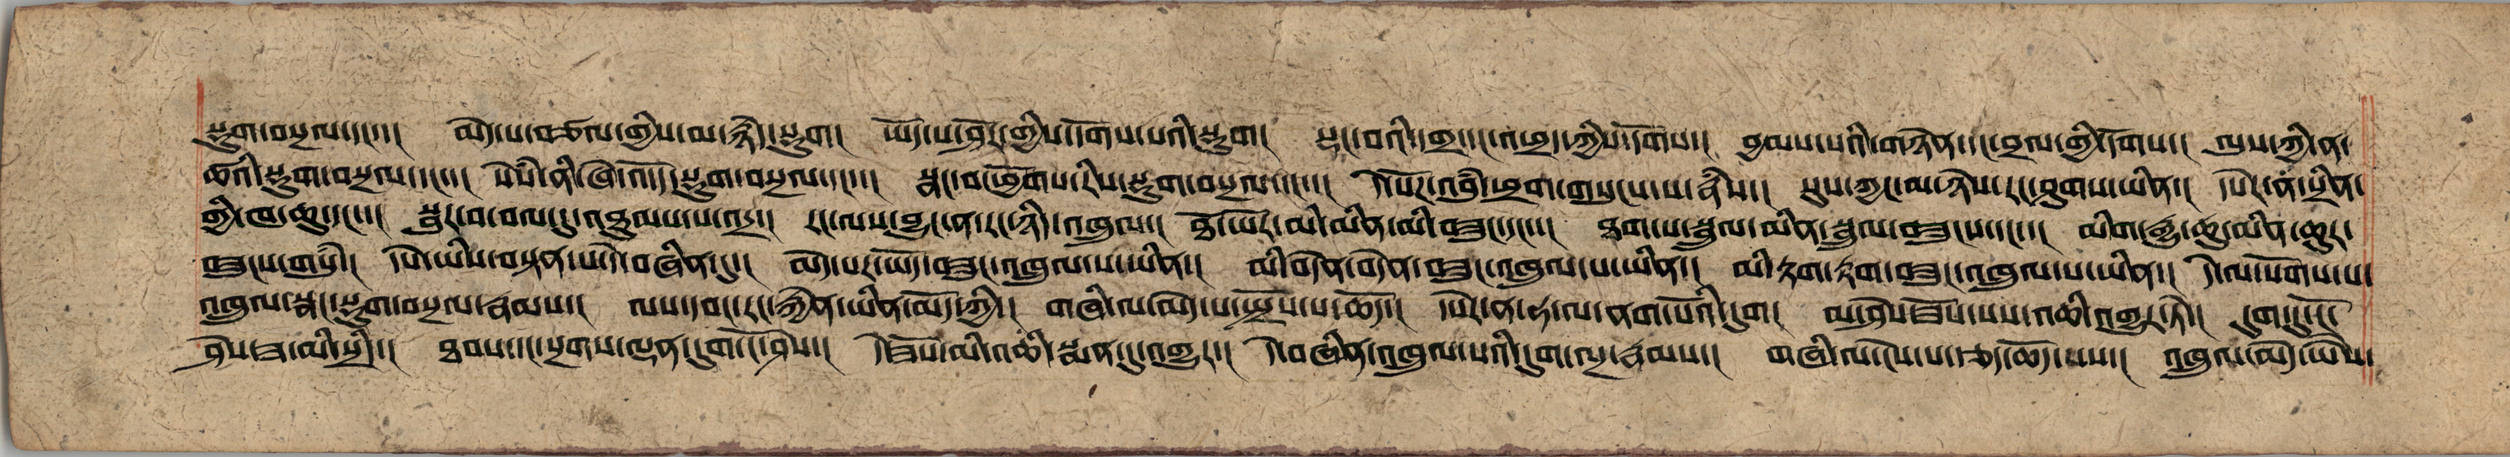སྡུག་བསྔལ་དང་་། མེད་པ་བཙལ་གྱིས་མ་རྙེད་སྡུག། ཡོད་པ་ཤོར་གྱིས་དོགས་པའི་སྡུག། སྡང་བའི་དགྲ་དང་འཕྲད་ཀྱིས་དགོས་། བྱམས་པའི་གཉེན་དང་ཕྲལ་གྱི་དོགས་། ལུསཀྱི་ན་
ཚའི་སྡུག་བསྔལ་དང་་། སེཾས་ནི་ཞེ་འདོད་སྡུག་བསྔལ་དང་་། སྣང་བ་ཕྱོགས་རིས་སྡུག་བསྔལ་དང་་། དེ་སོཌ་འབུཾ་ཕྲག་གསུངས་པ་རྣཾས་། སུས་ཀྱང་མ་ཉེས་རང་ཤུགས་ཡིན་། དཔེར་ན་སྲིན་
གྱི་ཁ་ཆུ་དང་་། སྦུར་བ་བལ་དུ་འཐུམས་པ་འདྲ་། རང་ལས་བྱུང་ན་རང་ཉིད་འཁྲུལ་། ཐོ་ཡོར་མི་མིན་མི་བཟུང་དང་་། ཐག་པ་སྦྲུལ་མིན་སྦྲུལ་བཟུངས་དང་་། མིག་རྒྱུ་ཆུ་མིན་ཆུར་
བཟུངས་གསུཾ་། དཔེ་ཡིས་བསྟན་པ་དེ་བཞིན་དུ་། མེད་པར་ཡོད་བཟུང་འཁྲུལ་པ་ཡིན་། མི་བདེན་བདེན་བཟུང་འཁྲུལ་པ་ཡིན་། མི་རྟག་རྟག་བཟུང་འཁྲུལ་པ་ཡིན་། དེ་ལ་སོགས་པ་
འཁྲུལ་སྣང་སྡུག་བསྔལ་རྣམས་། ལས་དབང་རང་རྐྱེན་ཡིན་མོད་ཀྱི་། གཞི་ལ་མེད་པ་སྤྲོས་པ་ཆོད་། དཔེར་ན་ཧ་ལ་ནག་པོའི་དུག། མ་ཤེས་ཟོས་པས་འཆི་འགྱུར་ཏེ་། དུག་དུ་ངོ་
ཤེས་ཟ་མི་སྲིད་། ཐབས་དང་སྔགས་ལྡན་ངུག་ངོ་ཤེས་། དེ་ཟོས་མི་འཆི་སྨན་དུ་འགྱུར་། དེ་བཞིན་འཁྲུལ་པའི་དུག་ལྔ་རྣམས་། གཞི་ལ་ངེས་པ་རྩད་ཆོད་པས་། འཁྲུལ་མེད་ཡཻས་